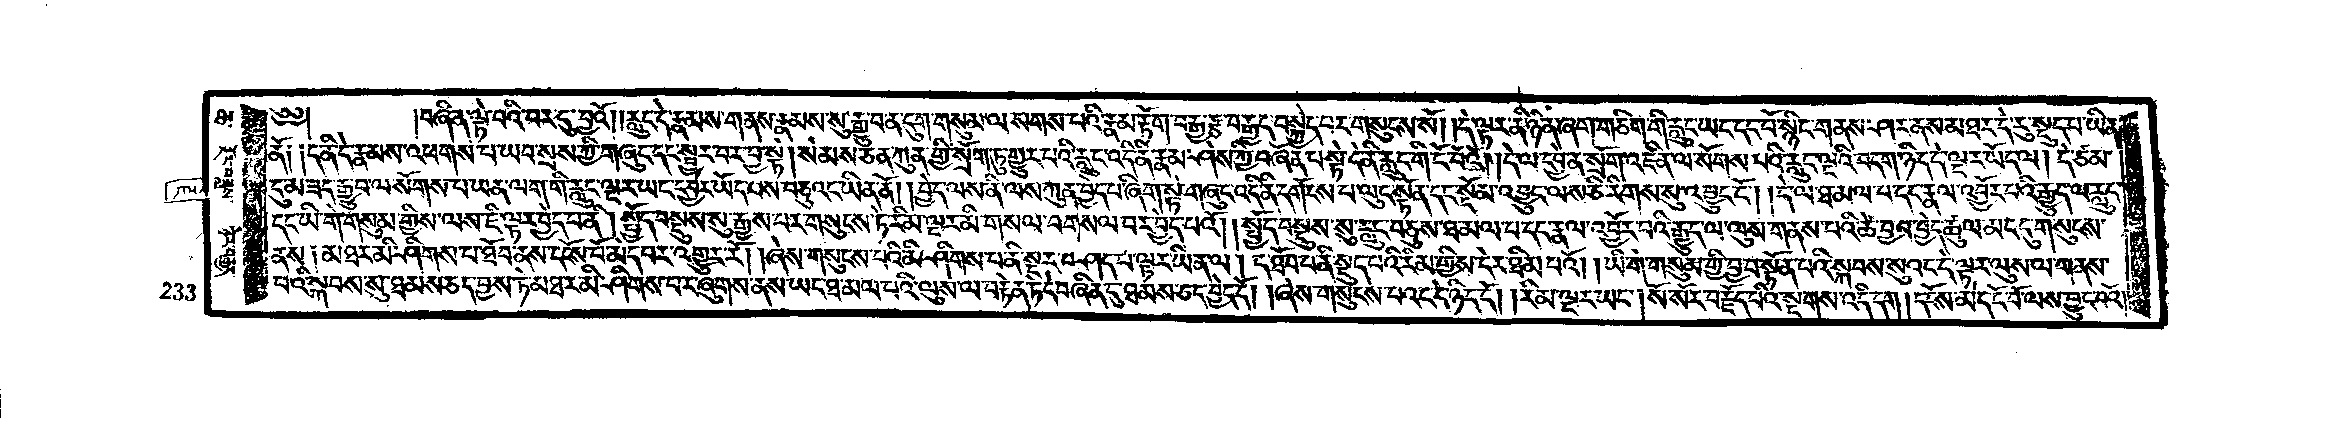༄༅། །བཞིན་ལྟེ་བའི་བར་དུ་བྱའོ། །རླུང་དེ་རྣམས་གནས་རྣམས་སུ་རྒྱ་བ་ན་དུག་གསུམ་ལ་སོགས་པའི་རྣམ་རྟོག་བརྒྱ་རྩ་བརྒྱད་བསྐྱེད་པར་གསུངས་སོ། །དེ་ལྟར་ན་ཉིན་ཞག་གཅིག་གི་རླུང་ཡང་དང་པོ་སྙིང་ག་ནས་ཤར་ནས་མཐར་དེ་རུ་སྡུད་པ་ཡིན་
ནོ། །དེ་ནི་དེ་རྣམས་འཕགས་པ་ཡབ་སྲས་ཀྱི་གཞུང་དང་སྦྱར་བར་བྱ་སྟེ། སེམས་ཅན་ཀུན་གྱི་སྲོག་ཏུ་གྱུར་པའི་རླུང་འདི་ནི་རྣམ་ཤེས་ཀྱི་བཞོན་པ་སྟེ་དེ་ནི་རླུང་གི་ངོ་བོའོ། །དེ་ལ་དབྱེ་ན་སྲོག་འཛིན་ལ་སོགས་པའི་རླུང་ལྔའི་བདག་ཉིད་དེ་ལྔར་ཡོད་ལ། དེ་ཙམ་
དུ་མ་ཟད་རྒྱུ་བ་ལ་སོགས་པ་ཡན་ལག་གི་རླུང་ལྔར་ཡང་དབྱེར་ཡོད་པས་བཅུའང་ཡིན་ནོ། །བྱེད་ལས་ནི་ལས་ཀུན་བྱེད་པ་ཞིག་སྟེ་གཞུང་འདི་ནི་དགོངས་པ་ལུང་སྟོན་དང་སྡོམ་འབྱུང་ལས་ཅི་རིགས་སུ་འབྱུང་ངོ། །དེ་ལ་ཐ་མལ་པ་དང་རྣལ་འབྱོར་པའི་རྒྱུད་ལ་རླུང་
དང་ཡི་གེ་གསུམ་གྱིས་ལས་ཇི་ལྟར་བྱེད་པ་ནི། སྤྱོད་བསྡུས་སུ་རྒྱས་པར་གསུངས་ཏེ་རིམ་ལྔར་མི་གསལ་བ་གསལ་བར་བྱེད་པའོ། །སྤྱོད་བསྡུས་སུ་རླུང་བཅུས་ཐ་མལ་པ་དང་རྣལ་འབྱོར་པའི་རྒྱུད་ལ་ལུས་གནས་པའི་ཚེ་བྱ་བ་བྱེད་ཚུལ་མང་དུ་གསུངས་
ནས། མཐར་མི་ཤིགས་པ་ཐོབ་ནས་དངོས་པོ་མེད་པར་འགྱུར་རོ། །ཞེས་གསུངས་པའི་མི་ཤིགས་པ་ནི་སྔར་བཤད་པ་ལྟར་ཡིན་ལ། དེ་ཐོབ་པ་ནི་སྡུད་པའི་རིམ་གྱིས་དེར་ཐིམ་པའོ། །ཡི་གེ་གསུམ་གྱི་བྱ་བ་སྟོན་པའི་སྐབས་སུའང་དེ་ལྟར་ལུས་ལ་གནས་
པའི་སྐབས་སུ་ཐམས་ཅད་བྱས་ཏེ་མཐར་མི་ཤིགས་པར་ཞུགས་ནས་ཡང་ཐ་མལ་པའི་ལུས་ལ་བརྟེན་ཏེ་དེ་བཞིན་དུ་ཐམས་ཅད་བྱེད་དོ། །ཞེས་གསུངས་པའང་དེ་ཉིད་དོ། །རིམ་ལྔར་ཡང་། སོ་སོར་བརྗོད་པའི་སྔགས་འདི་དག །དངོས་མེད་ངོ་བོ་ལས་བྱུང་བའོ།